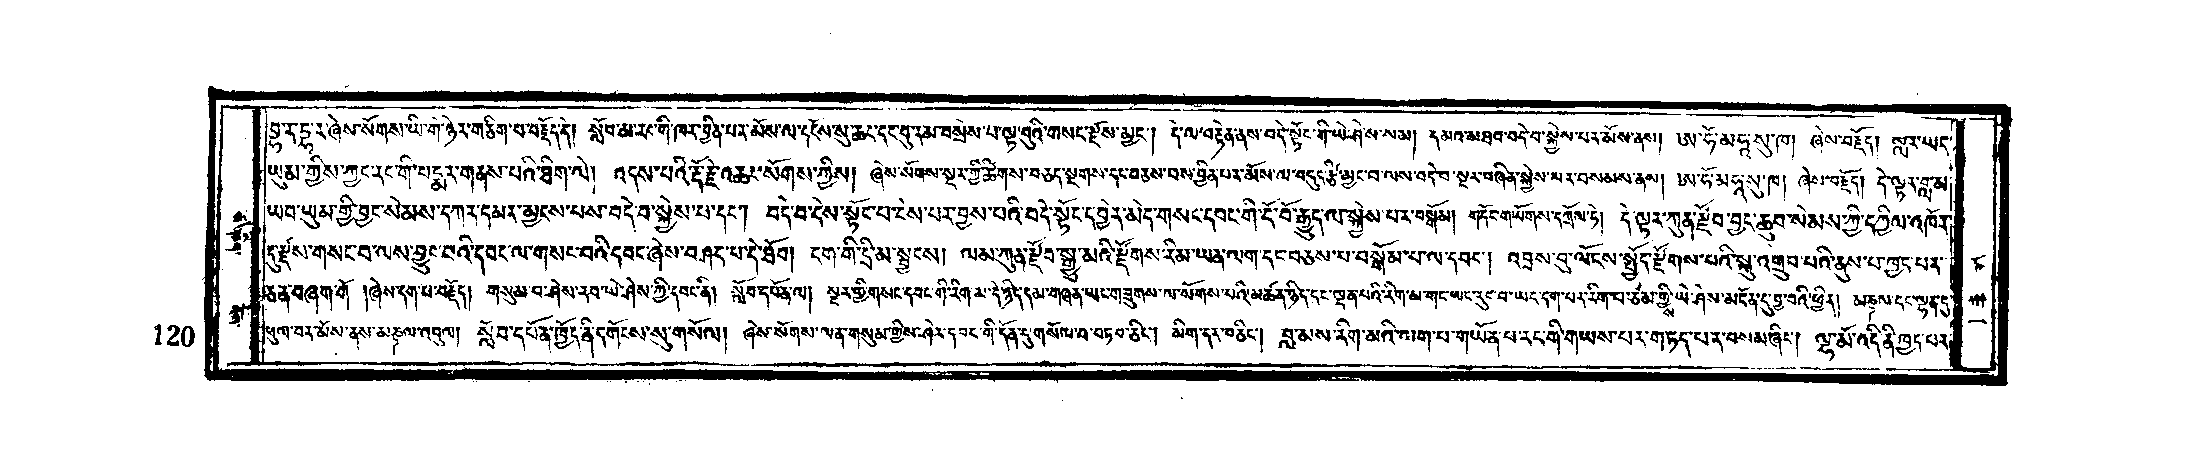བྷ་ར་དྷ་ར་ཞེས་སོགས་ཡི་གེ་ཉེར་གཅིག་པ་བརྗོད་དེ། སློབ་མ་རང་གི་ཁར་བྱིན་པར་མོས་ལ་དངོས་སུ་ཆང་དང་བུ་རམ་བསྲེས་པ་ལྟ་བུའི་གསང་རྫས་མྱང་། དེ་ལ་བརྟེན་ནས་བདེ་སྟོང་གི་ཡེ་ཤེས་སམ། དམའ་མཐའ་བདེ་བ་སྐྱེས་པར་མོས་ནས། ཨ་ཧོ་མཧཱ་སུ་ཁ། ཞེས་བརྗོད། སླར་ཡང་
ཡུམ་གྱིས་ཀྱང་རང་གི་པདམར་གནས་པའི་ཐིག་ལེ། འདས་པའི་རྡོ་རྗེ་འཆང་སོགས་ཀྱིས། ཞེས་སོགས་སྔར་གྱི་ཚིགས་བཅད་སྔགས་དང་བཅས་པས་བྱིན་པར་མོས་ལ་བདུད་རྩི་མྱང་བ་ལས་བདེ་བ་སྔར་བཞིན་སྐྱེས་པར་བསམས་ནས། ཨ་ཧོ་མཧཱ་སུ་ཁ། ཞེས་བརྗོད། དེ་ལྟར་བླ་མ་
ཡབ་ཡུམ་གྱི་བྱང་སེམས་དཀར་དམར་མྱངས་པས་བདེ་བ་སྐྱེས་པ་དང་། བདེ་བ་དེས་སྟོང་པ་ངེས་པར་བྱས་པའི་བདེ་སྟོང་དབྱེར་མེད་གསང་དབང་གི་ངོ་བོ་རྒྱུད་ལ་སྐྱེས་པར་བསྒོམ། གདོང་གཡོགས་དཀྲོལ་ཏེ། དེ་ལྟར་ཀུན་རྫོབ་བྱང་ཆུབ་སེམས་ཀྱི་དཀྱིལ་འཁོར་
དུ་རྫས་གསང་བ་ལས་བྱུང་བའི་དབང་ལ་གསང་བའི་དབང་ཞེས་བཤད་པ་དེ་ཐོབ། ངག་གི་དྲི་མ་སྦྱངས། ལམ་ཀུན་རྫོབ་སྒྱུ་མའི་རྫོགས་རིམ་ཡན་ལག་དང་བཅས་པ་བསྒོམ་པ་ལ་དབང་། འབྲས་བུ་ལོངས་སྤྱོད་རྫོགས་པའི་སྐུ་འགྲུབ་པའི་ནུས་པ་ཁྱད་པར་
ཅན་བཞག་གོ །ཞེས་དག་པ་བརྗོད། གསུམ་པ་ཤེས་རབ་ཡེ་ཤེས་ཀྱི་དབང་ནི། སློབ་དཔོན་ལ། སྔར་གྱི་གསང་དབང་གི་རིག་མ་དེ་ཉིད་དམ་གཞན་ཡང་གཟུགས་ལ་སོགས་པའི་མཚན་ཉིད་དང་ལྡན་པའི་རིག་མ་གང་ཡང་རུང་བ་ཡང་དག་པར་རིག་པ་ཙམ་གྱིས་ཡེ་ཤེས་མངོན་དུ་བྱ་བའི་ཕྱིར། མཎྜལ་དང་ལྷན་དུ་
ཕུལ་བར་མོས་ནས་མཎྜལ་འབུལ། སློབ་དཔོན་ཁྱོད་ནི་དགོངས་སུ་གསོལ། ཞེས་སོགས་ལན་གསུམ་གྱིས་ཤེར་དབང་གི་དོན་དུ་གསོལ་བ་བཏབ་ཅིང་། མིག་དར་བཅིང་། བླ་མས་རིག་མའི་ལག་པ་གཡོན་པ་རང་གི་གཡས་པར་གཏད་པར་བསམ་ཞིང་། ལྷ་མོ་འདི་ནི་ཁྱད་པར་